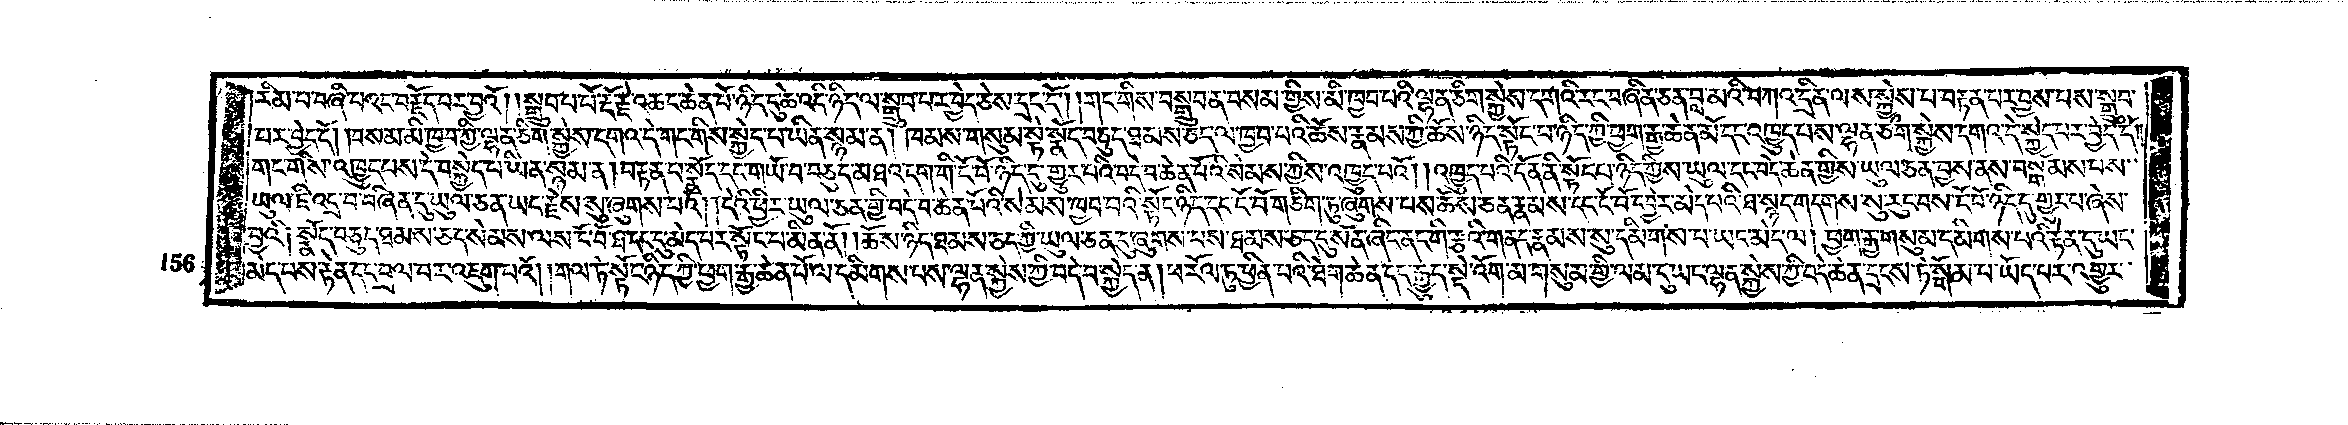རིམ་པ་བཞི་པའང་བརྗོད་པར་བྱའོ། །སྒྲུབ་པ་པོ་རྡོ་རྗེ་འཆང་ཆེན་པོ་ཉིད་དུ་ཆེ་འདི་ཉིད་ལ་སྒྲུབ་པར་བྱེད་ཅེས་དྲང་དོ། །གང་གིས་བསྒྲུབ་ན་བསམ་གྱིས་མི་ཁྱབ་པའི་ལྷན་ཅིག་སྐྱེས་དགའི་རང་བཞིན་ཅན་བླ་མའི་བཀའ་དྲིན་ལས་སྐྱེས་པ་བརྟན་པར་བྱས་པས་སྒྲུབ་
པར་བྱེད་དོ། །བསམ་མི་ཁྱབ་ཀྱི་ལྷན་ཅིག་སྐྱེས་དགའ་དེ་གང་གིས་སྐྱེད་པ་ཡིན་སྙམ་ན། ཁམས་གསུམ་སྟེ་སྣོད་བཅུད་ཐམས་ཅད་ལ་ཁྱབ་པའི་ཆོས་རྣམས་ཀྱི་ཆོས་ཉིད་སྟོང་པ་ཉིད་ཀྱི་ཕྱག་རྒྱ་ཆེན་མོ་དང་འཁྱུད་པས་ལྷན་ཅིག་སྐྱེས་དགའ་དེ་སྐྱེད་པར་བྱེད་དོ། །
གང་གིས་འཁྱུད་པས་དེ་བསྐྱེད་པ་ཡིན་སྙམ་ན། བརྟན་པ་སྣོད་དང་གཡོ་བ་བཅུད་མཐའ་དག་གི་ངོ་བོ་ཉིད་དུ་གྱུར་པའི་བདེ་བ་ཆེན་པོའི་སེམས་ཀྱིས་འཁྱུད་པའོ། །འཁྱུད་པའི་དོན་ནི་སྟོང་པ་ཉིད་ཀྱིས་ཡུལ་དང་བདེ་ཆེན་གྱིས་ཡུལ་ཅན་བྱས་ནས་བསྒོམས་པས་
ཡུལ་ཇི་འདྲ་བ་བཞིན་དུ་ཡུལ་ཅན་ཡང་རྗེས་སུ་ཞུགས་པའི། །དེའི་ཕྱིར་ཡུལ་ཅན་གྱི་བདེ་བ་ཆེན་པོའི་སེམས་ཁྱབ་པའི་སྟོང་ཉིད་དང་ངོ་བོ་གཅིག་ཏུ་ཞུགས་པས་ཆོས་ཅན་རྣམས་དང་ངོ་བོ་དབྱེར་མེད་པའི་ཐ་སྙད་གདགས་སུ་རུང་བས་ངོ་བོ་ཉིད་དུ་གྱུར་པ་ཞེས་
བྱའི། སྣོད་བཅུད་ཐམས་ཅད་སེམས་ལས་ངོ་བགོ་ཐ་དང་དུ་མེད་པར་སྟོང་པ་མིན་ནོ། །ཆོས་ཉིད་ཐམས་ཅད་ཀྱི་ཡུལ་ཅན་དུ་ཞུགས་པས་ཐམས་ཅད་དུ་སོན་ཞིང་ནང་གི་རྩའི་གནད་རྣམས་སུ་དམིགས་པ་ཡང་མེད་ལ། ཕྱག་རྒྱ་གསུམ་དམིགས་པའི་རྟན་དུ་ཡང་
མེད་པས་རྟེན་དང་བྲལ་བར་འཇུག་པའོ། །གལ་ཏེ་སྟོང་ཉིད་ཀྱི་ཕྱག་རྒྱ་ཆེན་པོ་ལ་དམིགས་པས་ལྷན་སྐྱེས་ཀྱི་བདེ་བ་སྐྱེད་ན། ཕ་རོལ་ཏུ་ཕྱིན་པའི་ཐེག་ཆེན་དང་རྒྱུད་སྡེ་འོག་མ་གསུམ་གྱི་ལམ་དུ་ཡང་ལྷན་སྐྱེས་ཀྱི་བདེ་ཆེན་དྲངས་ཏེ་སྒོམ་པ་ཡོད་པར་འགྱུར་